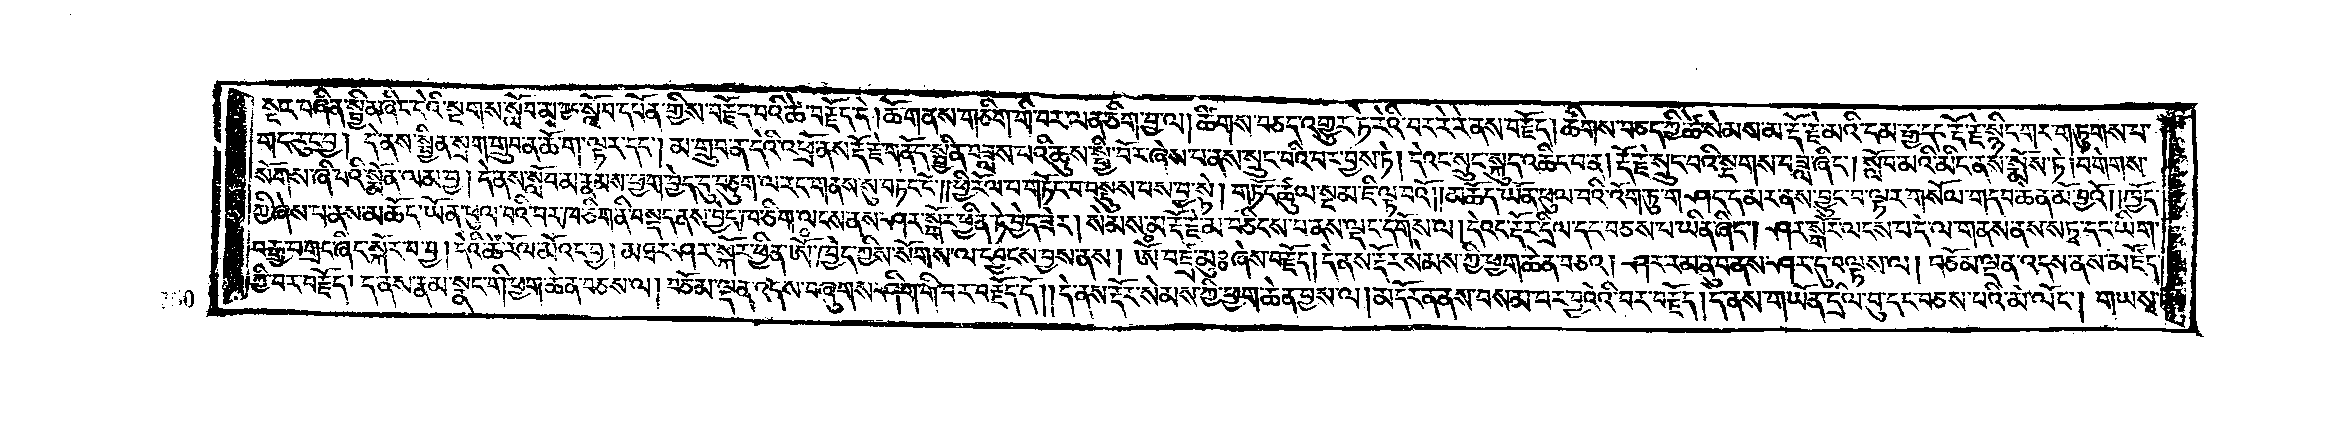སྔར་བཞིན་སྦྱིན་ཞིང་དེའི་སྔགས་སློབ་མ་ཀྱང་སློབ་དཔོན་གྱིས་བརྗོད་པའི་ཚེ་བརྗོད་དེ། ཆོ་གནས་གཅིག་གི་བར་ལན་ཅིག་བྱ་ལ། ཚིགས་བཅད་འགྱུར་ཏེ་རེའི་བར་རེ་རེ་ནས་བརྗོད། ཚིགས་བཅད་ཀྱི་ཚེ་སེམས་མ་རྡོ་རྗེ་མའི་དམ་རྒྱ་དང་རྡོ་རྗེ་སྙིང་གར་གཏུགས་པ་
གང་རུང་བྱ། དེ་ནས་སྦྱིན་སྲག་གྲུབ་ན་ཆོ་ག་ལྟར་དང་། མ་གྲུབ་ན་དེའི་འཕྲོ་ནས་རྡོ་རྗེ་གནོད་སྦྱིན་བཟླས་པའི་ཆུས་སྤྱི་བོར་ཞེས་པ་ནས་སྲུང་བའི་བར་བྱས་ཏེ། དེའང་སྲུང་སྐུད་འཆིང་བ་ན། རྡོ་རྗེ་སྲུང་བའི་སྔགས་བཟླ་ཞིང་། སློབ་མའི་མིང་ནས་སྨོས་ཏེ། བགེགས་
སོགས་ཞི་བའི་སྨོན་ལམ་བྱ། དེ་ནས་སློབ་མ་རྣམས་ཕྱག་བྱེད་དུ་བཅུག་ལ་རང་གནས་སུ་བཏང་ངོ། །ཕྱི་རོལ་པ་གཏོང་བ་བསྡུས་པས་བྱ་སྟེ། གཏོང་ཚུལ་སྔ་མ་ཇི་ལྟ་བའོ། །མཆོད་ཡོན་ཕུལ་བའི་འོག་ཏུ་གཤད་དམར་ནས་བྱུང་བ་ལྟར་གསོལ་གདབ་ཆེན་མོ་བྱའོ། །ཁྱོད་
ཀྱི་ཞེས་པ་ནས་མཆོད་ཡོན་ཕུལ་བའི་བར་ཁ་ཅིག་ནི་བསྡད་ནས་བྱེད་ཁ་ཅིག་ལངས་ནས་ཤར་སྒོར་ཕྱིན་ཏེ་བྱེད་ཟེར། སེམས་མ་རྡོ་རྗེ་མ་བཅིངས་པ་ནས་ལྡང་དགོས་ལ། དེའང་རྡོར་དྲིལ་དང་བཅས་པ་ཡིན་ཞིང་། ཤར་སྒོར་ལངས་པ་དེ་ལ་གནས་ནས་སཏྭ་དང་ཡིག་
བརྒྱ་བགྲང་ཞིང་སྐོར་བ་བྱ། དེའི་ཚེ་རོལ་མོའང་བྱ། མཐར་ཤར་སྐོར་ཕྱིན་ཨོཾ་ཁྱེད་ཀྱིས་སོགས་ལ་དབྱངས་བྱས་ནས། ཨོཾ་བཛྲ་མུཿ ཞེས་བརྗོད། དེ་ནས་རྡོར་སེམས་ཀྱི་ཕྱག་ཆེན་བཅའ། ཤར་རབ་ནུབ་ནས་ཤར་དུ་བལྟས་ལ། བཅོམ་ལྡན་འདས་ནས་མཛོད་
ཀྱི་བར་བརྗོད། ད་ནས་རྣམ་སྣང་གི་ཕྱག་ཆེན་བཅས་ལ། བཅོམ་ལྡན་འདས་བཞུགས་ཤིག་གི་བར་བརྗོད་དོ། །དེ་ནས་རྡོར་སེམས་ཀྱི་ཕྱག་ཆེན་བྱས་ལ། མདོར་ན་ནས་བསམ་པར་བྱའེའི་བར་བརྗོད། དེ་ནས་གཡོན་དྲིལ་བུ་དང་བཅས་པའི་མེ་ལོང་། གཡས་སྭ་